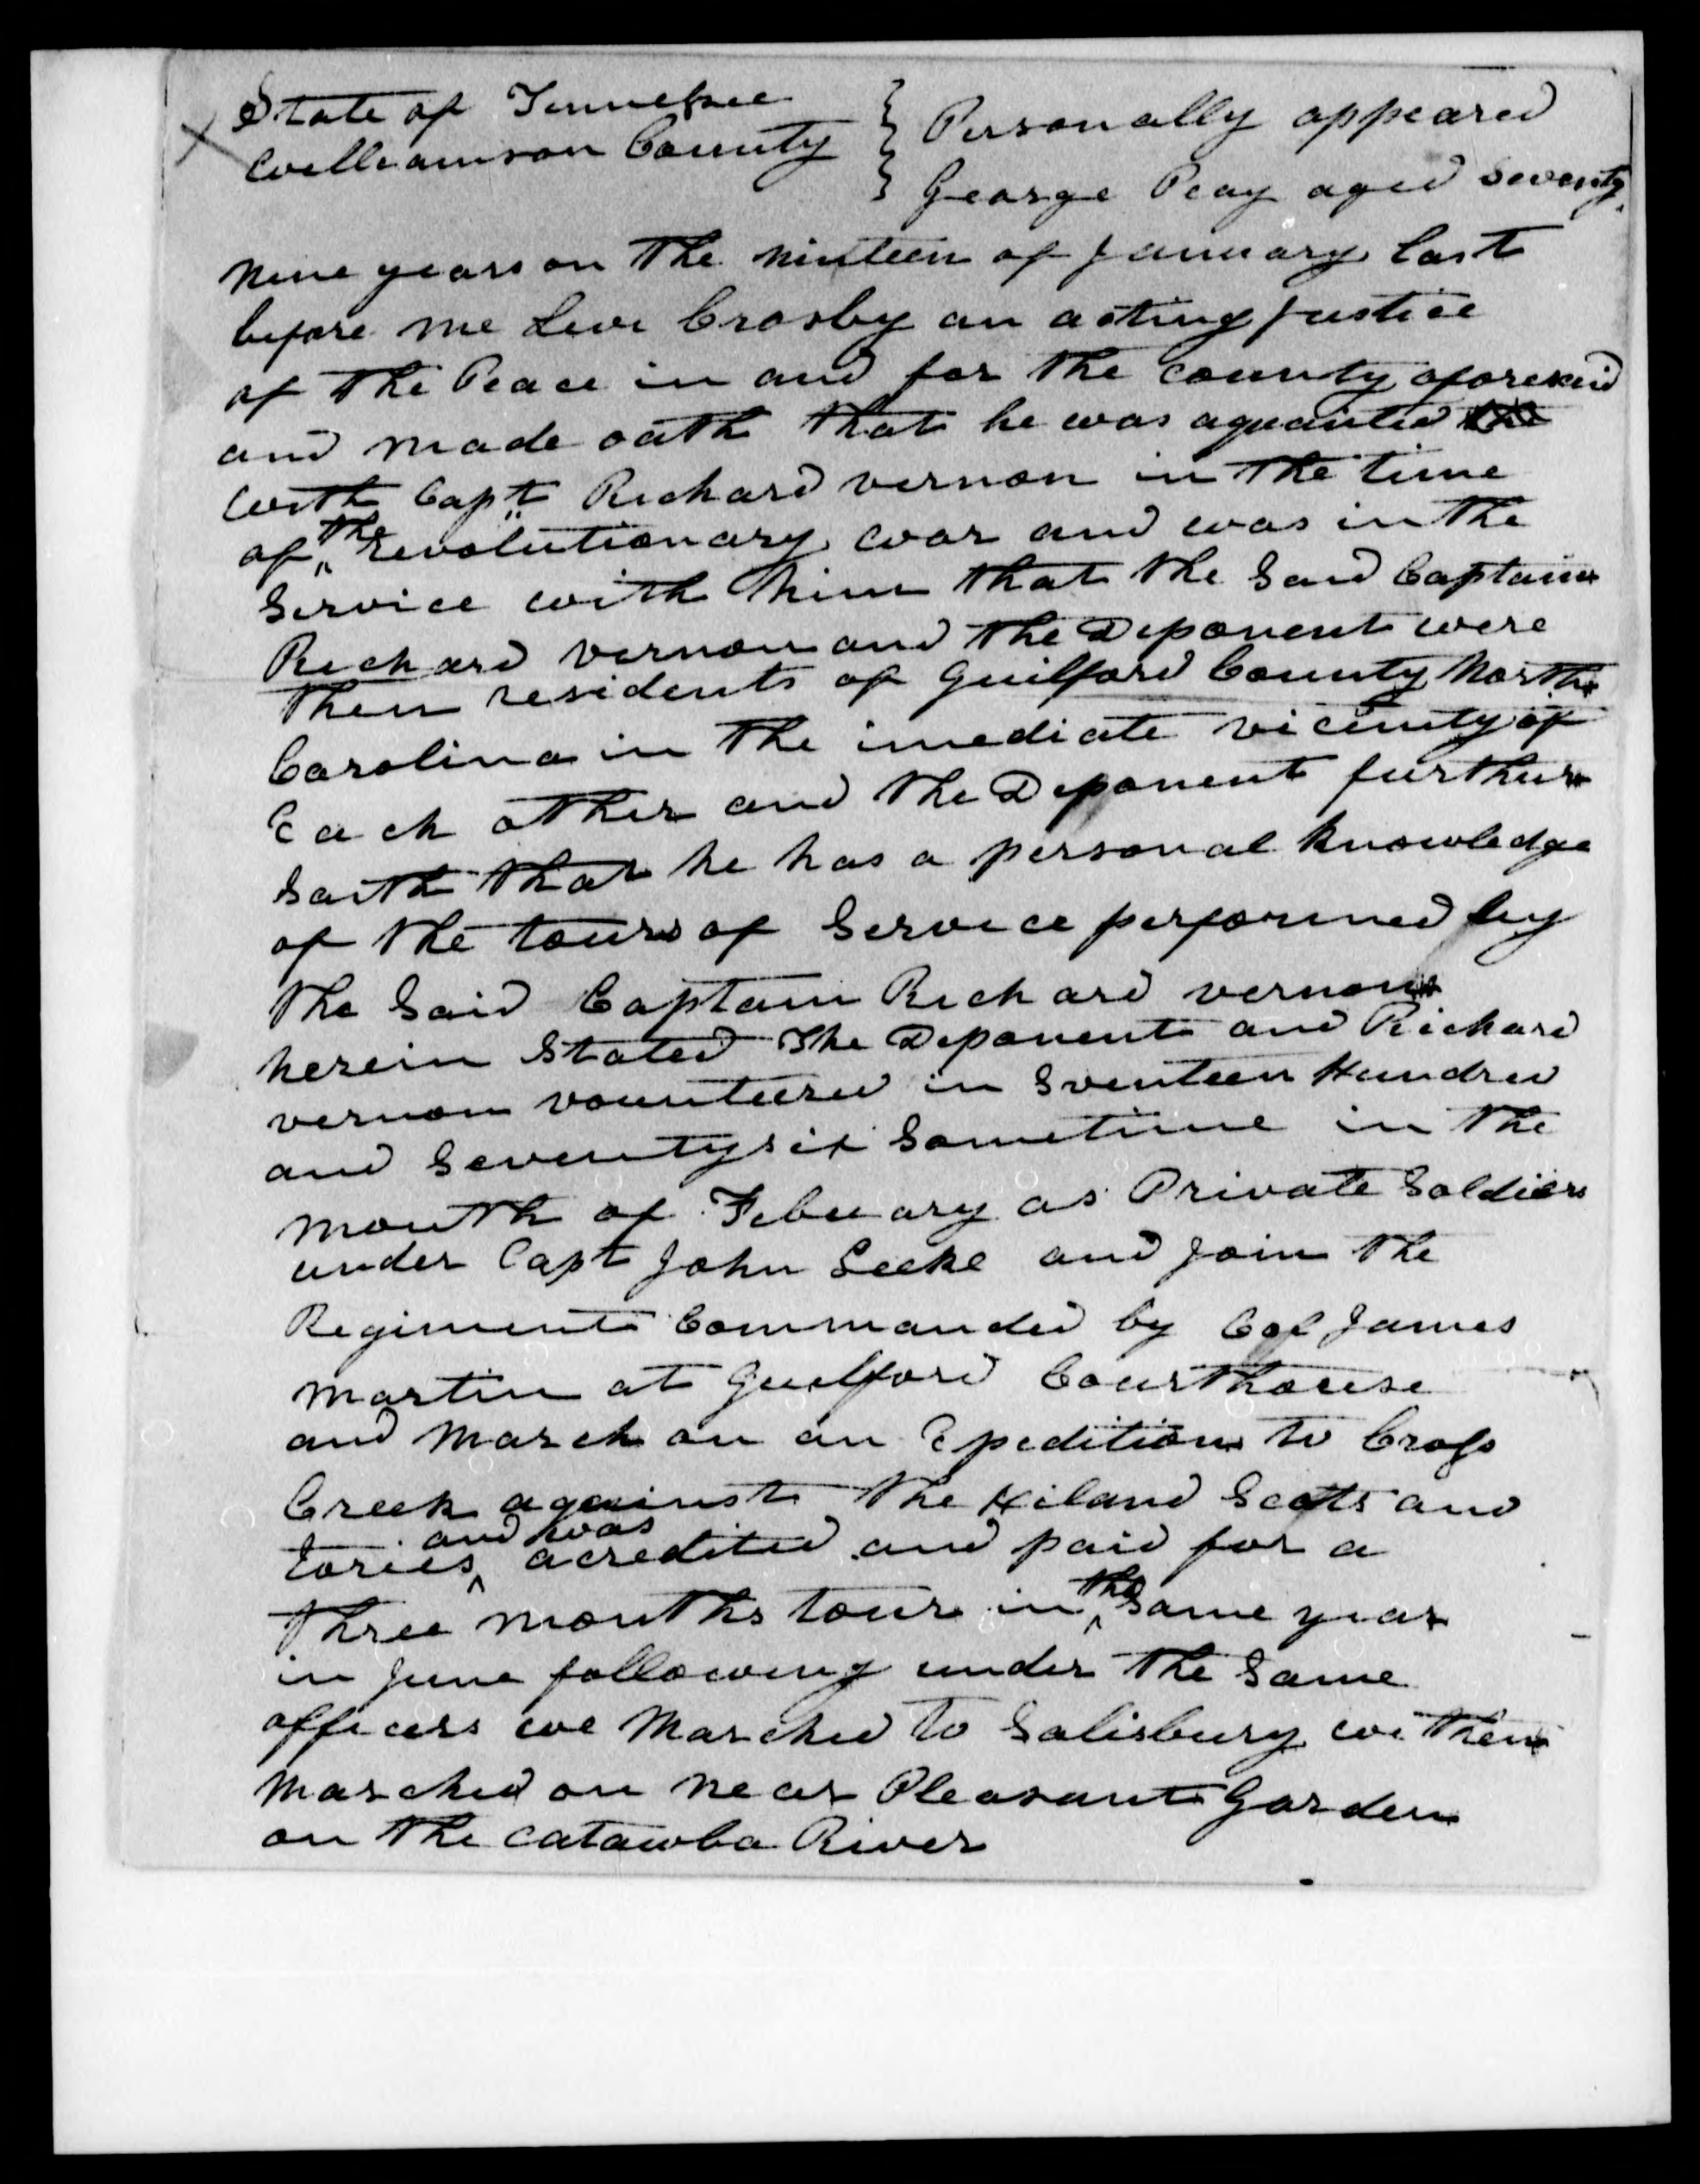State of Tennessee}
Williamson County} 
Personally appeared George Peay aged seventy nine years on the nineteen of January last before me Levi Crosby an acting Justice of the Peace in and for the County aforesaid and made oath that he was acquainted with Capt Richard Vernon in the time of the revolutionary war and was in the Service with him that the Said Captain Richard Vernon and the Deponent were then residents of Guilford County North Carolina in the immediate vicinity of each other and the Deponent further saith that he has a personal knowledge of the tours of service performed by Said Captain Richard Vernon herein stated.  He Deponent and Richard Vernon volunteered in Seventeen Hundred and Seventy six Sometime in the month of February as Private Soldiers under Captain John Leeke and joined the Regiment commanded by Col. James Martin at Guilford Courthouse and march on an Expedition to Cross Creek against the Highland Scots and Tories and was acredited and paid for a three months tour in the same year in June following under the Same officers we marched to Salisbury we then marched on near Pleasant Garden on the Catawba River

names: Levi Crosby, Hiland Scotts, Richard Vernon, Richard Vernon, Richard Vernon, John Leeke, Richard Vernon, James Martin, George Peay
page: 42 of 105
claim: survivor's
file: S. 1883, Richard Vernon, N.C.